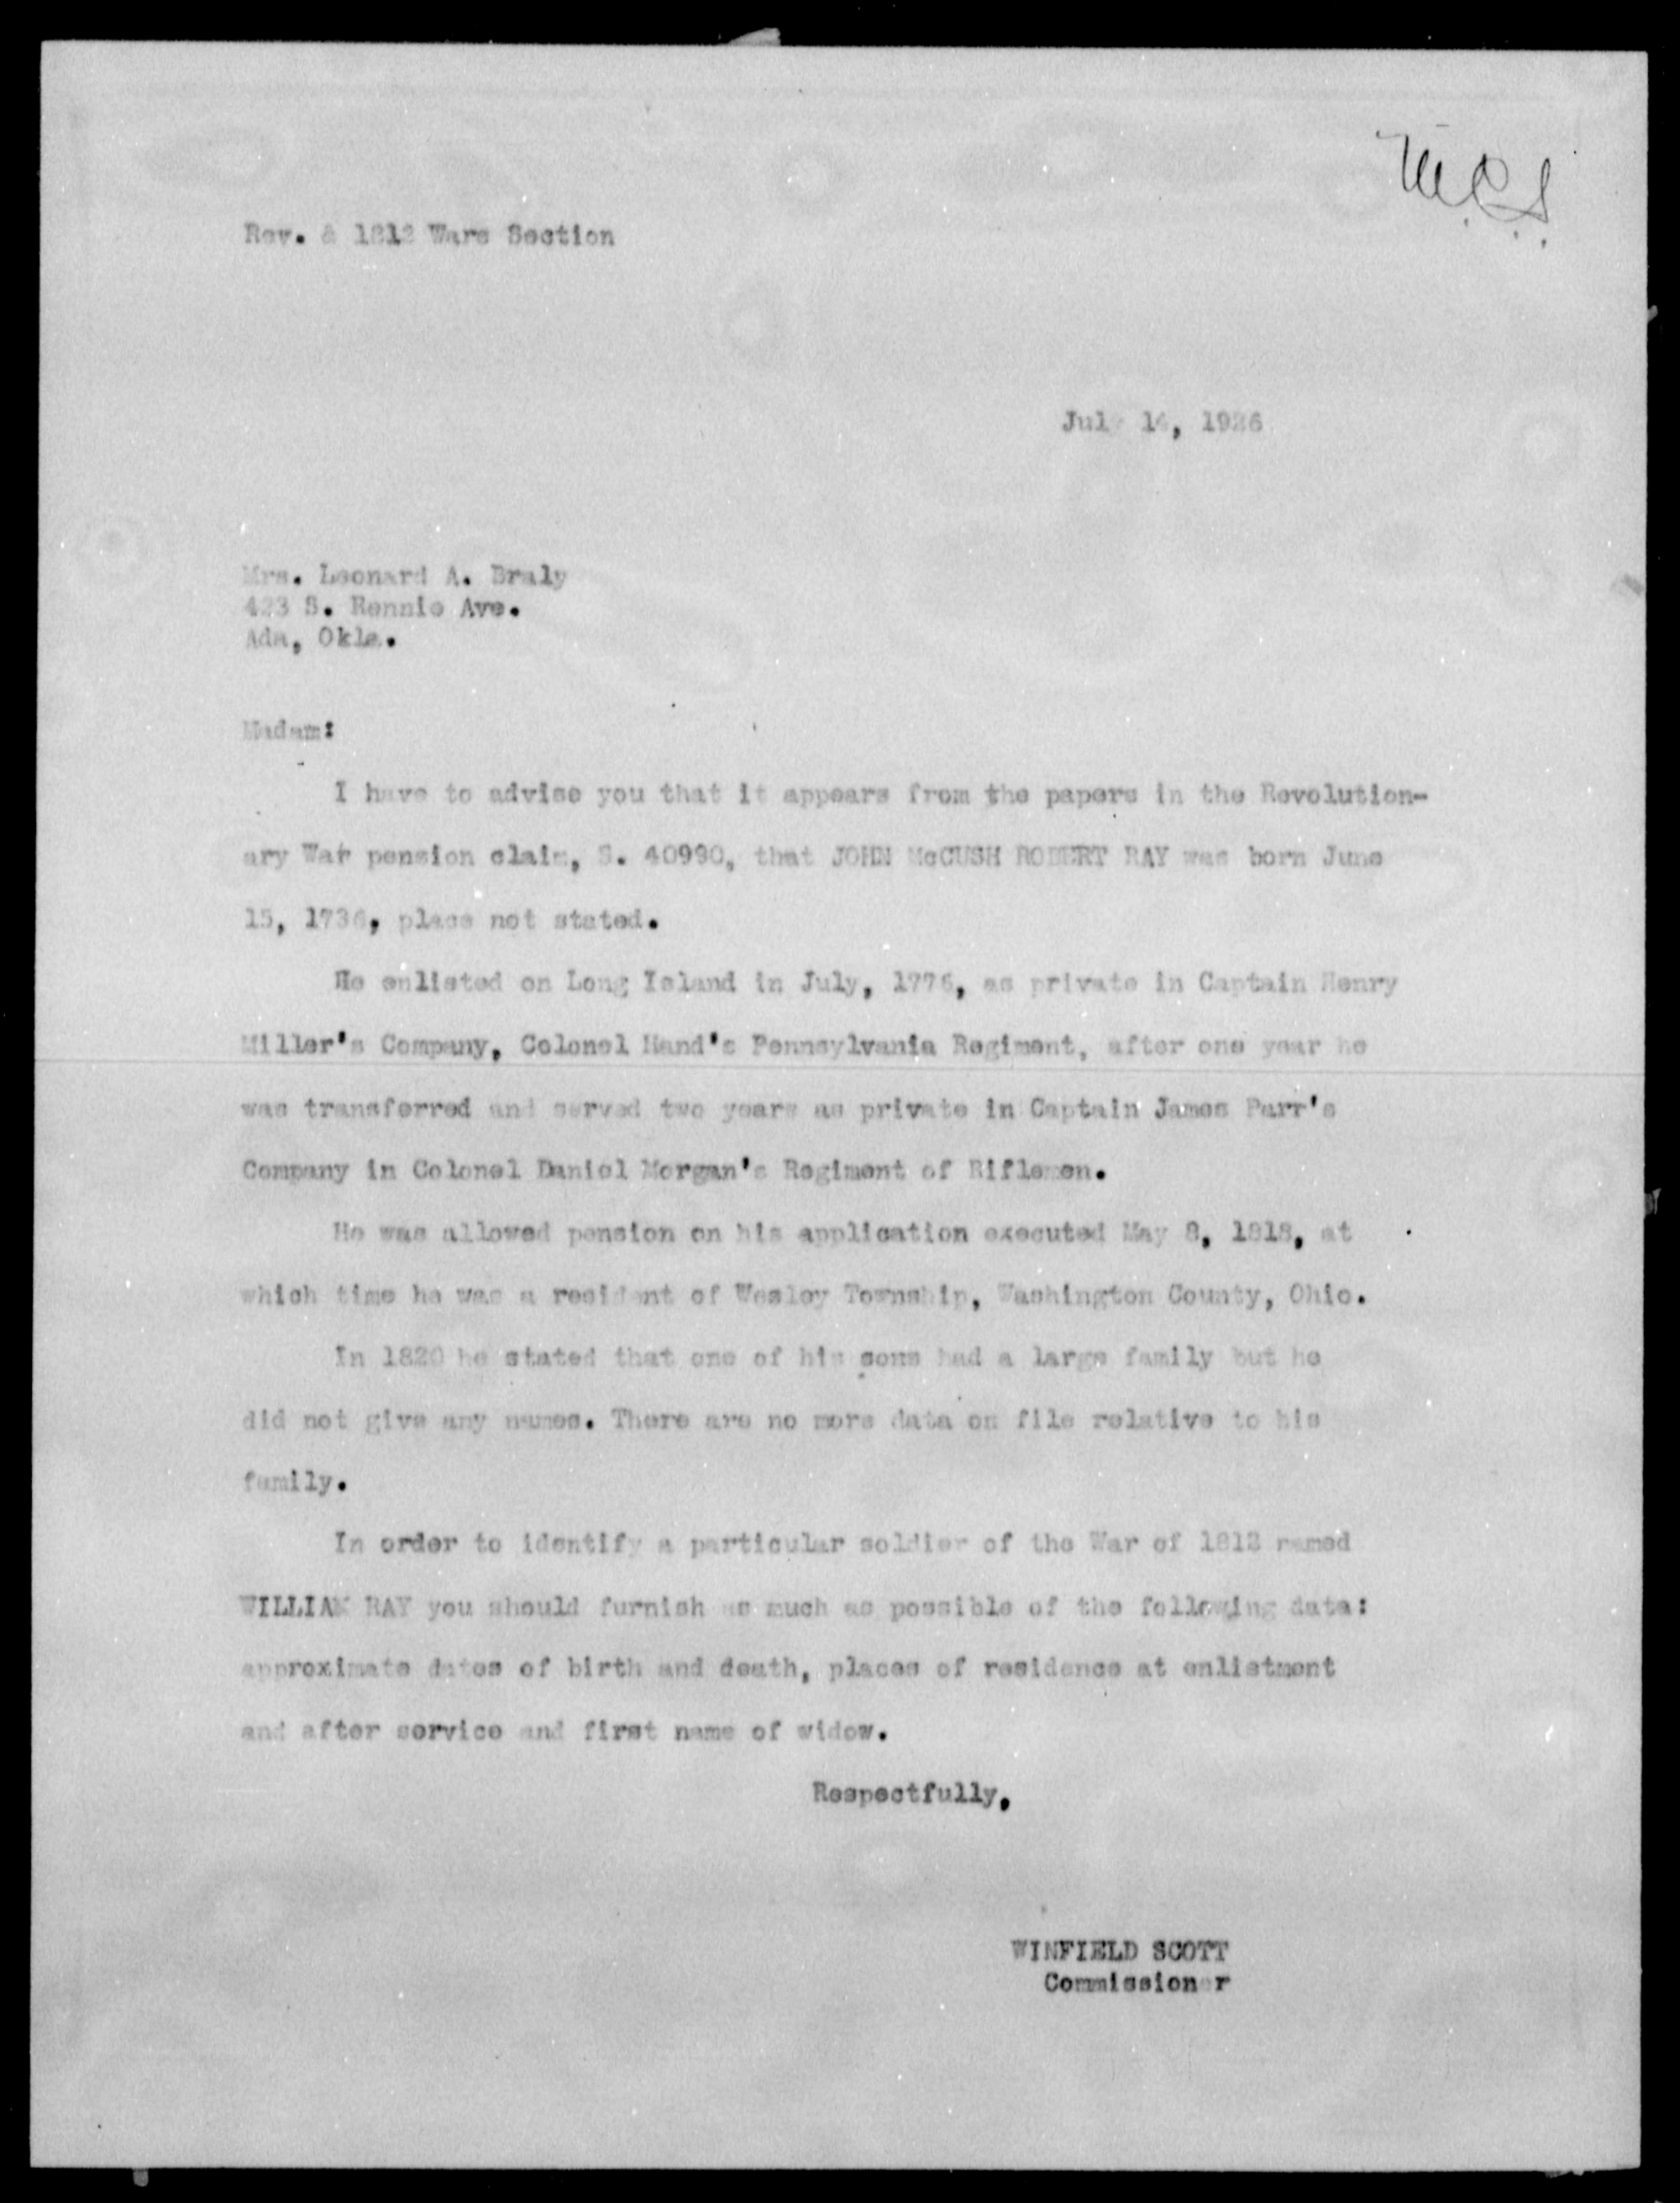Rev 1812 Wars Section
July 14, 1926
Mrs. Leonard A Braly
423 S. Rennie Ave.
Ada, Okla. 
Madam:
I have to advise you that it appears from the papers in the Revolutionary War pension claim, S.40990, that JOHN McCUSH ROBERT RAY was born on June 15 1736, place not stated. He enlisted on Long Island in July 1775, as private in Captain Henry Miller's Company, Colonel Hand's Pennsylvania Regiment, after one year he was transferred and served two years as private in Captain James Parr's Company in Colonel Daniel Morgan's Regiment of Riflemen. He was allowed pension on his application executed May 8 1818, at which time he was a resident of Wesley Township, Washington County, Ohio. In 1820 he stated that one of his sons had a large family but he did not give any names. There are no more data on file relative to his family. In order to identify a particular soldier of the War of 1812 named WILLIAM RAY you should furnish as much as possible of the following data: approximate dates of birth and death, places of residence at enlistment and after service and first name of widow
Respectfully, 

WINFIELD SCOTT
Commissioner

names: John Mc Cush; William Ray; Winfield Scott; Robert Ray; Leonard A Braly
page: 10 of 20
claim: survivor's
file: S. 40,990, for John Mc Cush Robert Ray, Pennsylvania